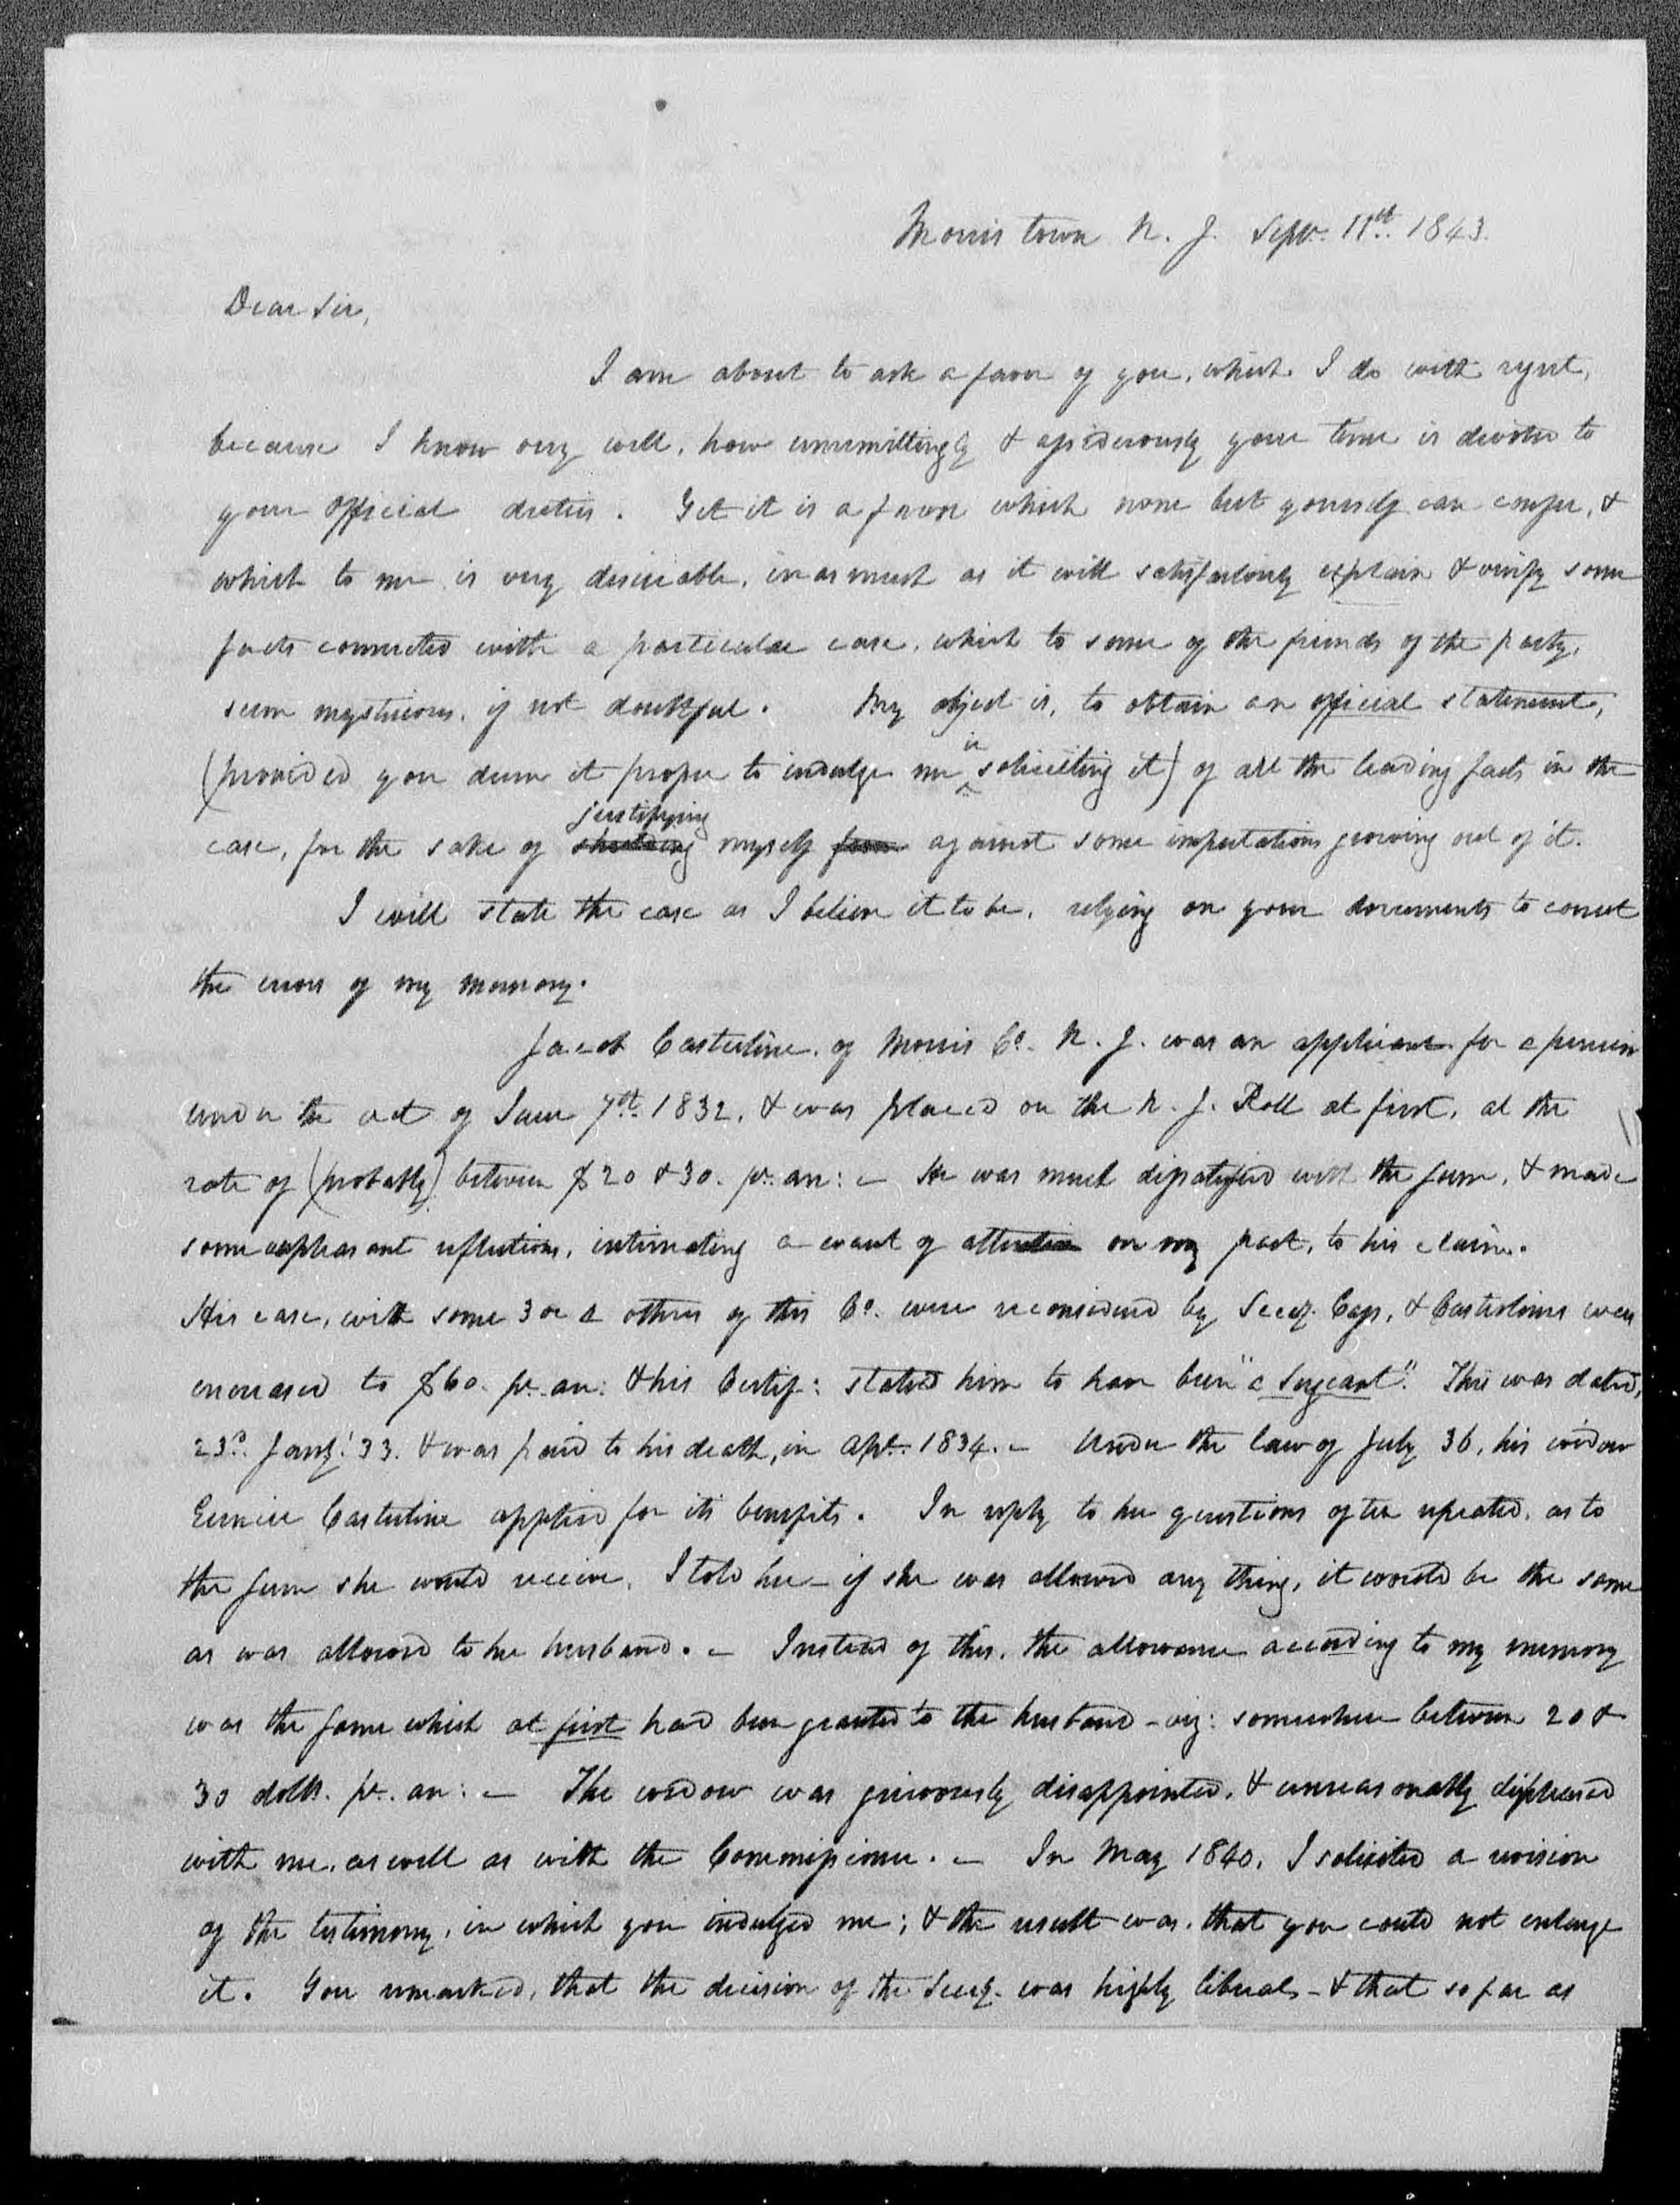Morristown N. J.  Sept. 11th 1843

Dear Sir,
I am about to ask a favor of you, which I do with rynt [?] because I know very well how unremitting and [?] your time is [?] to your official duties. Yet it is a favor which none by family can confer and which to me is very [?], in as much as it will satisfactorily explain and verify some facts connected with a particular care, which to some of the friends of the party seem mysterious if not doubtful.  My object is to obtain an official statement, (provided you deem it proper to indulge me in soliciting it) of all the leading facts in the case, for the sake of my justifying myself against some importation serving out of it.  
I will state the case as I believe it to be, relying on your documents to connect the [?] of my memory.
Jacob Casterline of Morris Co. N. J. was an applicant for a pension under the Act of June 7th 1832, and was placed on the N. J. Roll at first, and made some apparent inflation, intimating a count of attention on my part, to his claim.  His care, with some 3 or 4 others of this Co. were recommended by [?] and Casterline [?] to $60 per an & his certif.  stated him to have been "a sergeant." This was dated 23rd January '33 and was prior to his death in April 1834.  Under the law of July 36, his widow Eunice Casterline appears for its benefits.  In reply to her question of the [?] as to the sum she would receive.  I told her if she was allowed anything, it could be the same as allowed to her husband.  Instead of this, the allowance according to my memory was the same which at first at been granted to the husband - viz: somewhere between 20 and 30 dollars pr. an. - The widow was grievously disappointed and [?] dispensed with me, as well as with the commissioner.  In may 1840, I solicited a revision of the testimony in which you indulged me and the result was that you could not enlarge it.  You remarked that the decision of the dues was highly liberal that so far as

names: Casterline, Eunice Casterline, Jacob Casterline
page: 37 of 38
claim: widow's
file: W. 6644, Jacob Casterline, New Jersey